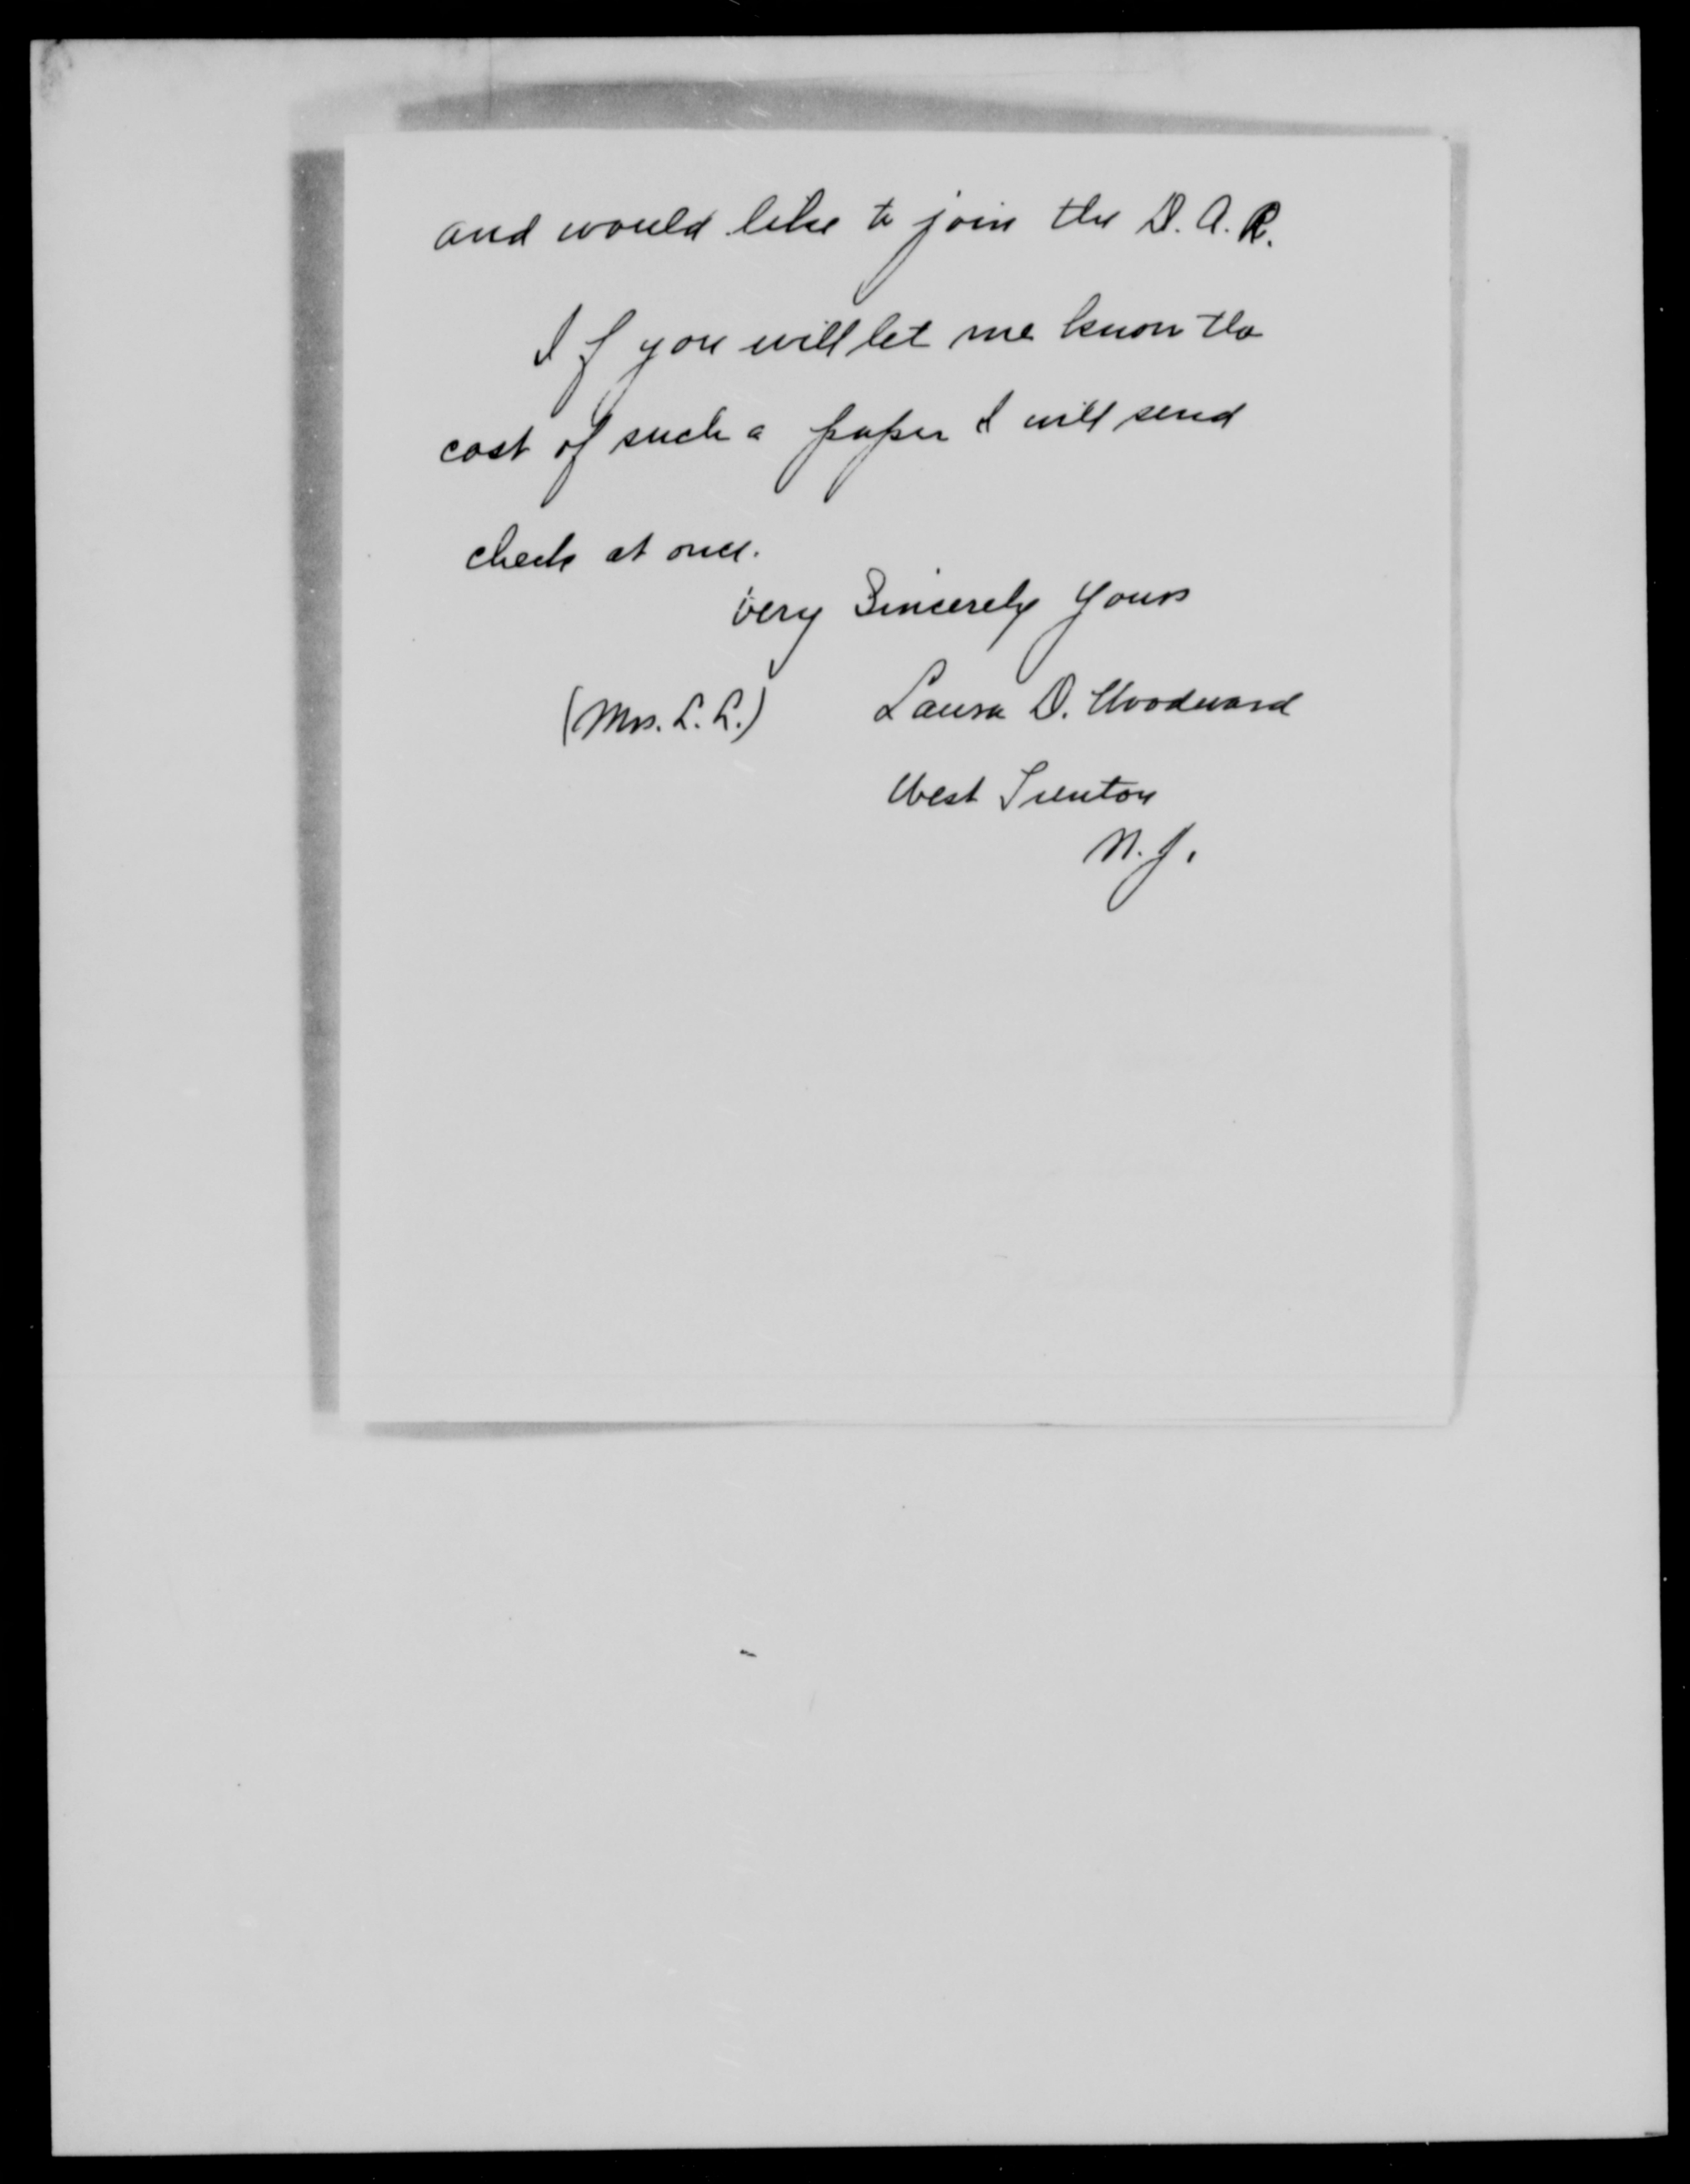and would like to join the D.A.R.
If you will let me know the
cost of such a paper I will send
check at once.
Very Sincerely yours
(Mrs. L.L.) Laura D. Woodward
West Trenton N. J.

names: L L Woodward, Laura D Woodward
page: 12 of 18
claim: rejected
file: R. 11854, Adam Woolheater, Md.